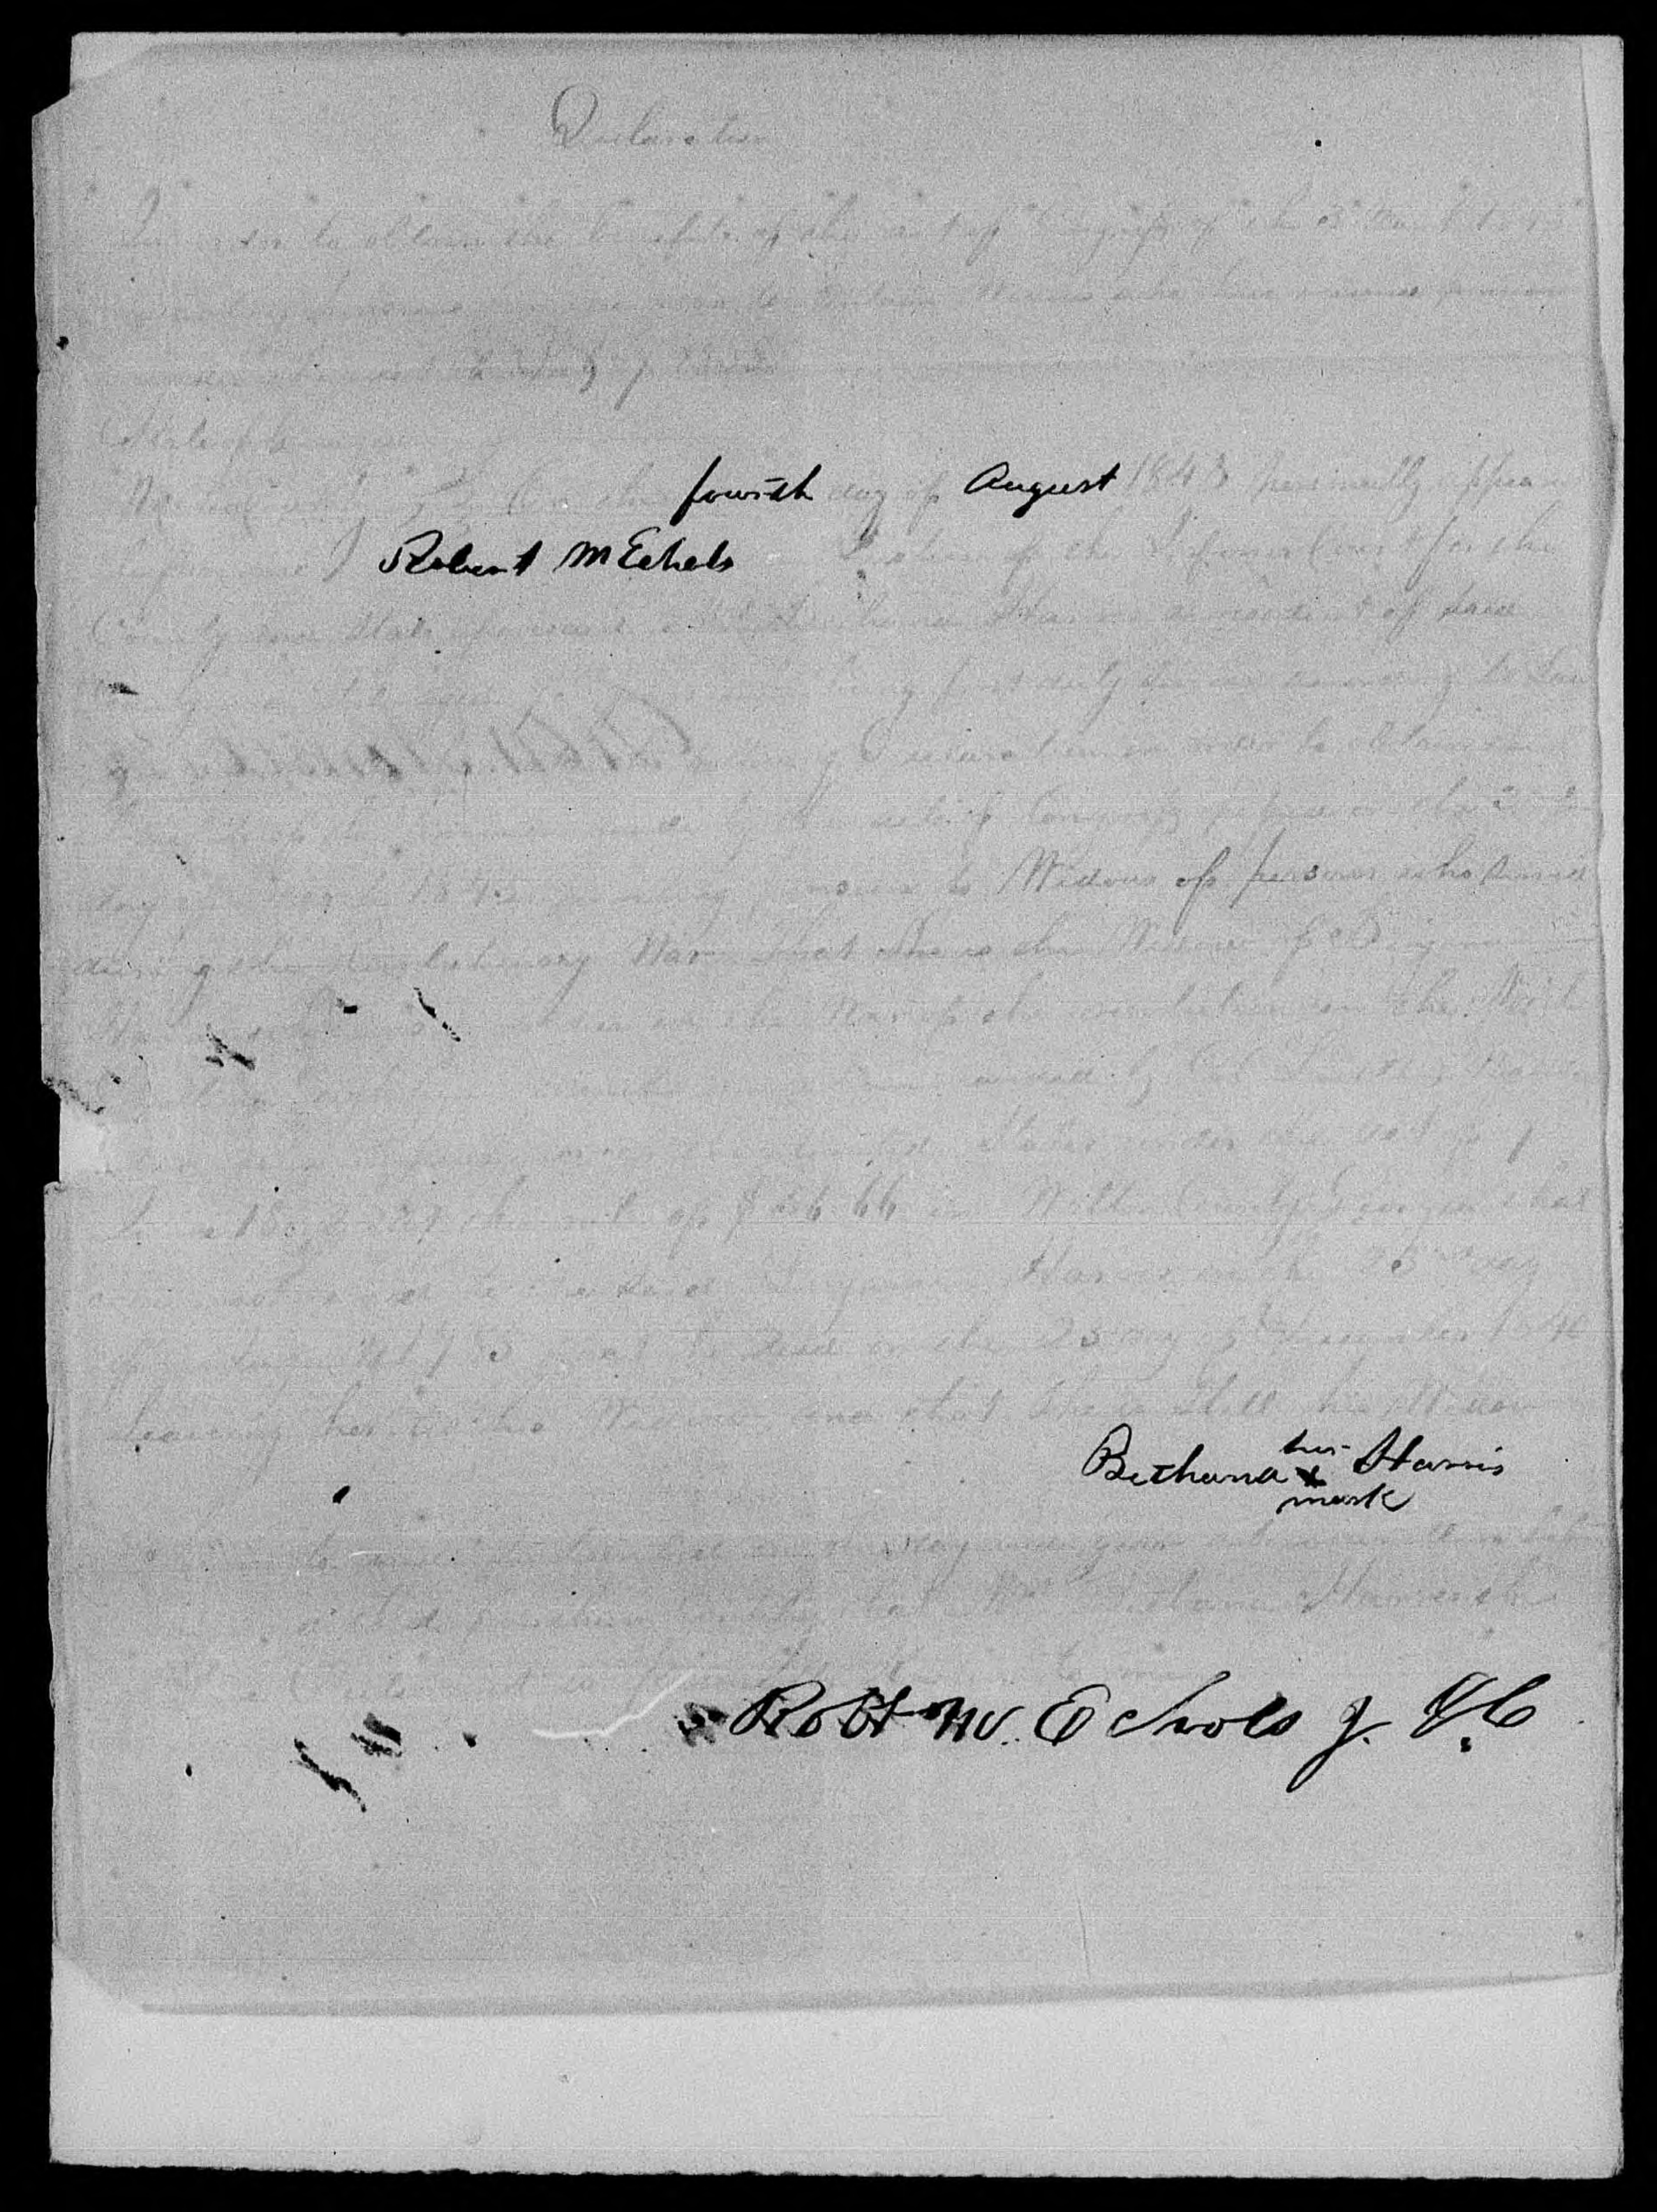Declaration
In order to obtain the benefitof the act of Congress passed the of Mar 1848 [llegible words]

State of Georgia Walton County
On this fourth day of August 1843 personally appeared before me J. Robert M Echols Justice of the Superior Court for the County and state aforesaid [illegible words]

widows of persons who served during the revolutionary war that she is the Widow of Benjamin Harriss
[very faint writing, can't read, sorry!]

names: Bethana Harris, Robert M Echols, Robt M Echols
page: 39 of 62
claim: survivor's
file: S. 38816, Benjamin Harris, Mass.